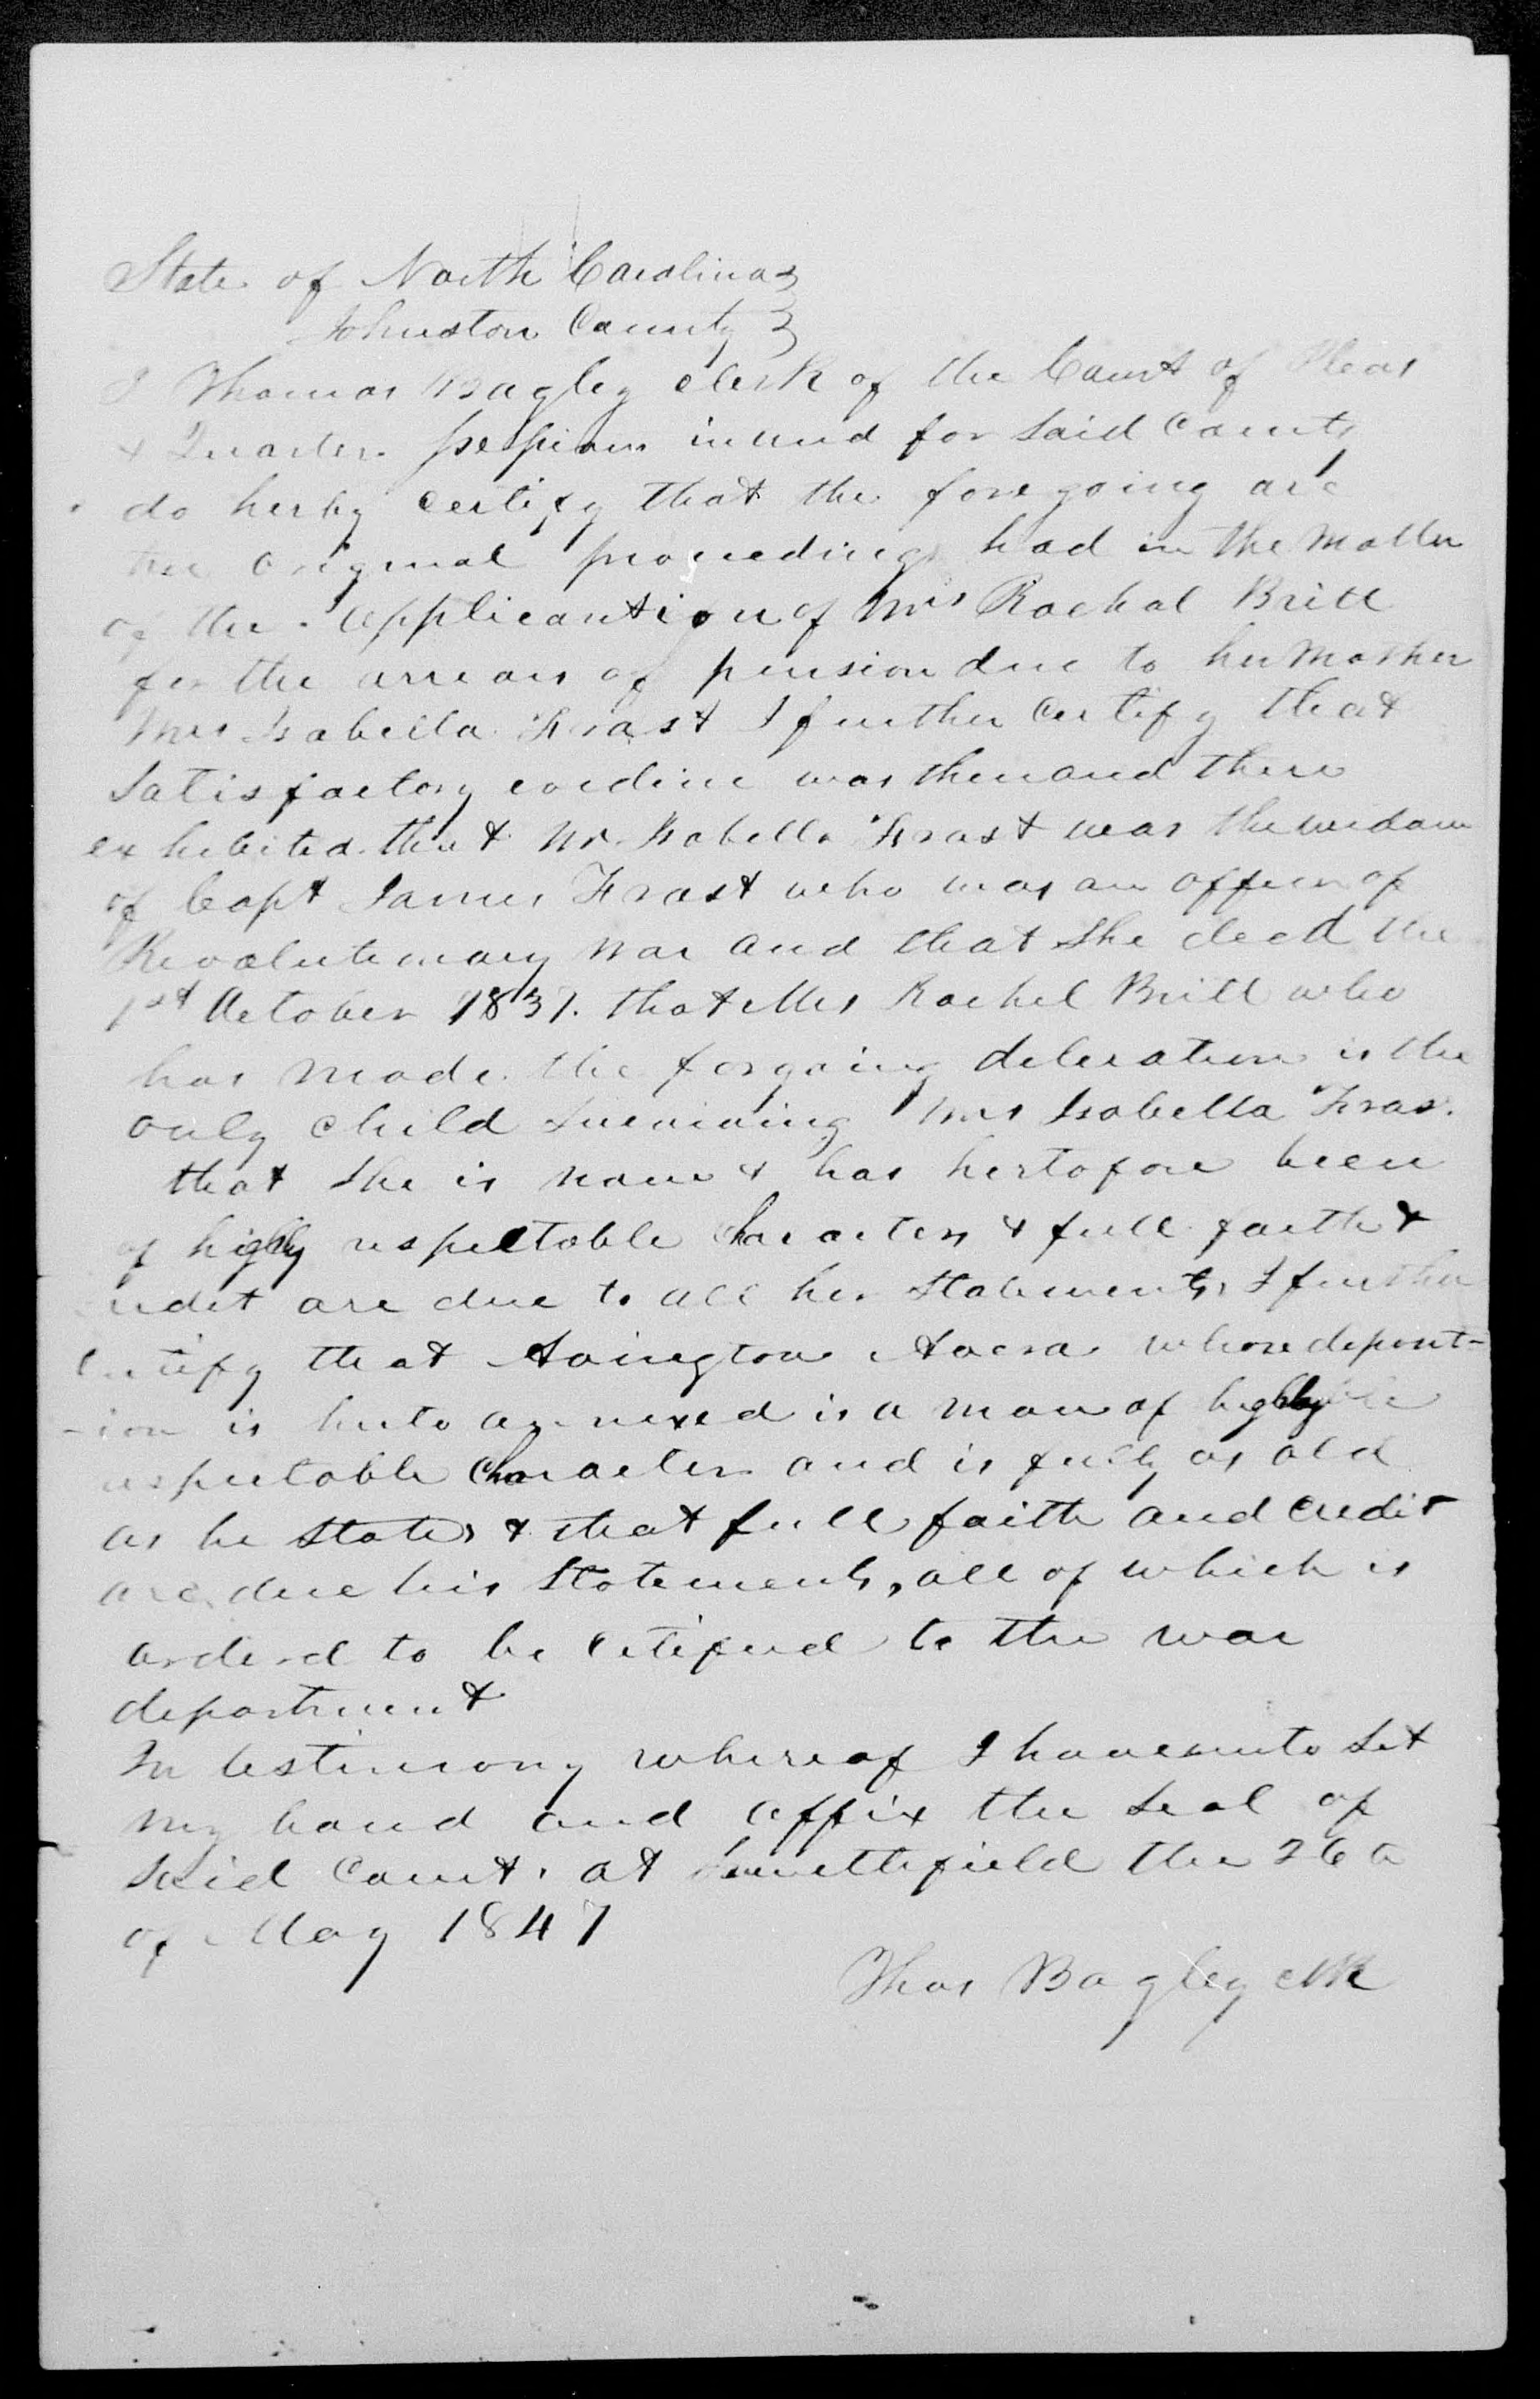State of North Carolina}
Johnston County}
I Thomas Bagley clerk of the Court of Pleas and Quarter Sessions in and for said county do herby certify that the foregoing are the original proceedings had in the matter of the application of Mrs Rachal Britt for the arrears of pension due to her mother Mrs Isabela Frost. I further certify that satisfactory evidence was then and there exhibited. [unreadable] Mrs. Isabela Frost and was the widow of Captain James Frost who was an officer of Revolutionary War and that she died the 1st October 1837 that Mrs Rachel Britt who has made this foregoing declaration is the only child surviving Mrs Isabella Frost that she is now and has heretofore been of highly respectable character and full faith and credit are due to all her statements, I further certify that Aaington Aucra whose deposition is hereto annexed is a man of highly respectable character and is fully as old as he states and that full faith and credit are due his statements all of which is ordered to be ccertified to the war department. 
In testimony whereof I have unto set my hand and affix the seal of said court, at Smithfield the 26 th of May 1847 
Thomas Bagley [seal]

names: Isabella Frost, James Frost, Thomas Bagley, Isabella Frost, Rachel Britt, Rachal Britt, Isabella Frost, Thos Bagley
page: 8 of 15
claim: rejected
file: R. 3815, James Frost, N.C.